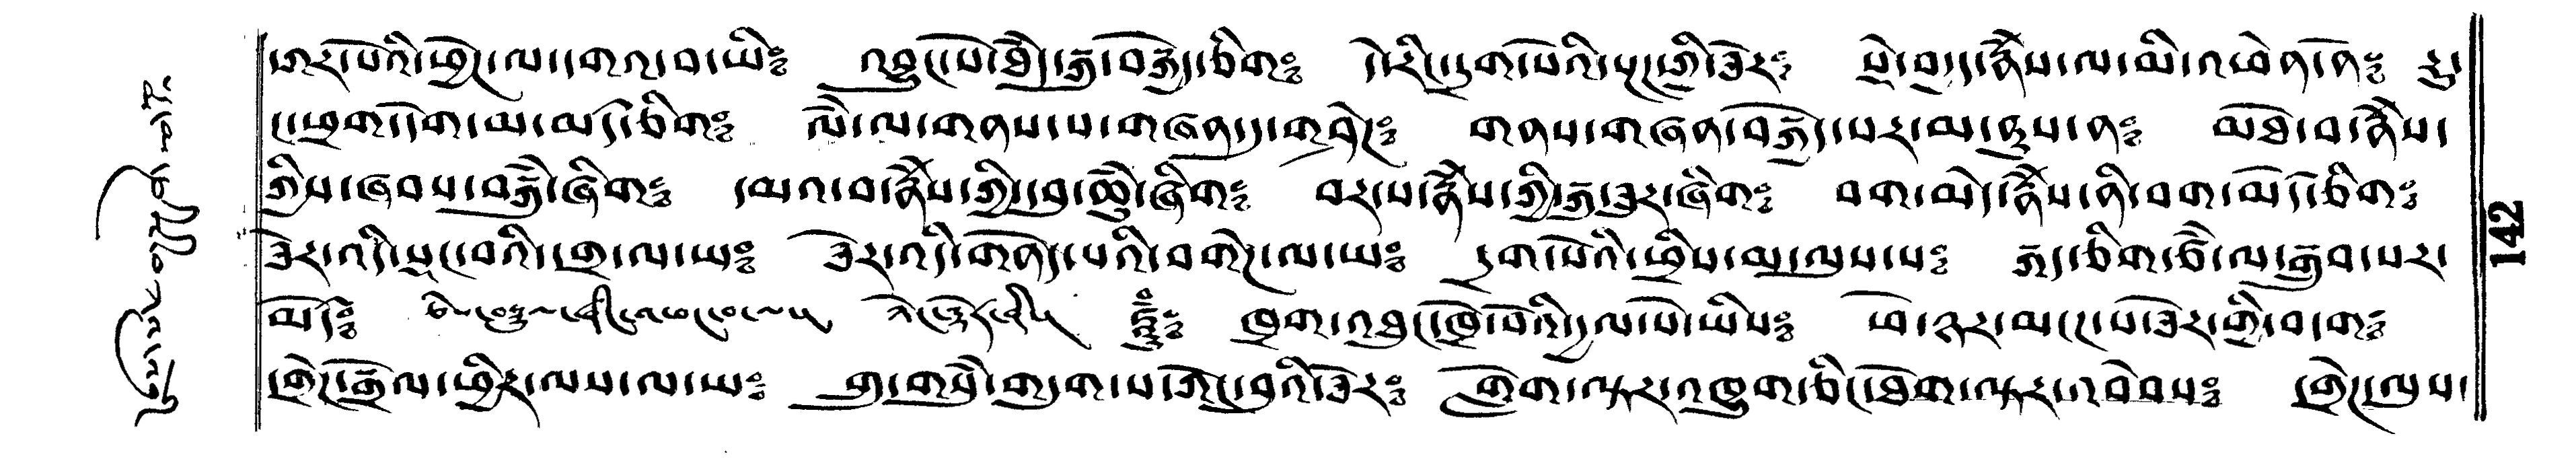དཀར་པོའི་ཕྱོགས་ལ་དགའ་བ་ཡི༔ འབྱུང་པོ་ཐམས་ཅད་སྐུ་བསྐྱོད་ཅིག༔ དེ་རིང་དྲག་པོའི་སྔགས་ཀྱི་ཟོར༔ སྡེ་བརྒྱད་རྣམས་ལ་མི་འཕེན་ནོ༔ རུ་
ང་ཕྲག་དོག་མ་མཛད་ཅིག༔ ལམ་ལ་གནས་པ་གཞན་དུ་གཤེགས༔ གནས་གཞན་བསྐྱོད་པར་མ་ནུས་ན༔ མཐོ་བ་རྣམས་
ཀྱིས་ཞབས་བསྐུམ་ཞིག༔ དམའ་བ་རྣམས་ཀྱི་དབུ་ཆུམ་ཞིག༔ བར་པ་རྣམས་ཀྱི་སྐུ་ཟུར་ཞིག༔ བག་མེད་རྣམས་ནི་བག་མཛོད་ཅིག༔ 
ཟོར་འདི་སྡང་བའི་དགྲ་ལ་ཡ༔ ཟོར་འདི་གནོད་པའི་བགེགས་ལ་ཡ༔ དྲག་པོའི་ཕྲིན་ལས་མ་ལུས་པ༔ སྐད་ཅིག་ཙམ་ལ་སྒྲུབ་པར་
མཛོད༔ ཅེས་བསྐུལ་ཞིང་འཕང་བ་ལ། ཀོང་ཟོར་ནི། ཧཱུྃ༔ ཁྲག་འཐུང་ཁྲོ་བོའི་རྒྱལ་པོ་ཡིས༔ ཕོ་ཉར་མ་ངགས་པ་ཟོར་གྱི་བདག༔ 
དགྲ་བགེགས་སྒྲོལ་ཕྱིར་ལས་ལ་ཡ༔ གྲུ་གསུམ་གདུག་པ་ཀོང་བུའི་ཟོར༔ གློག་ལྟར་འཁྱུག་ཅིང་ཐོག་ལྟར་འབེབས༔ དགྲ་བགེགས་ལུས་